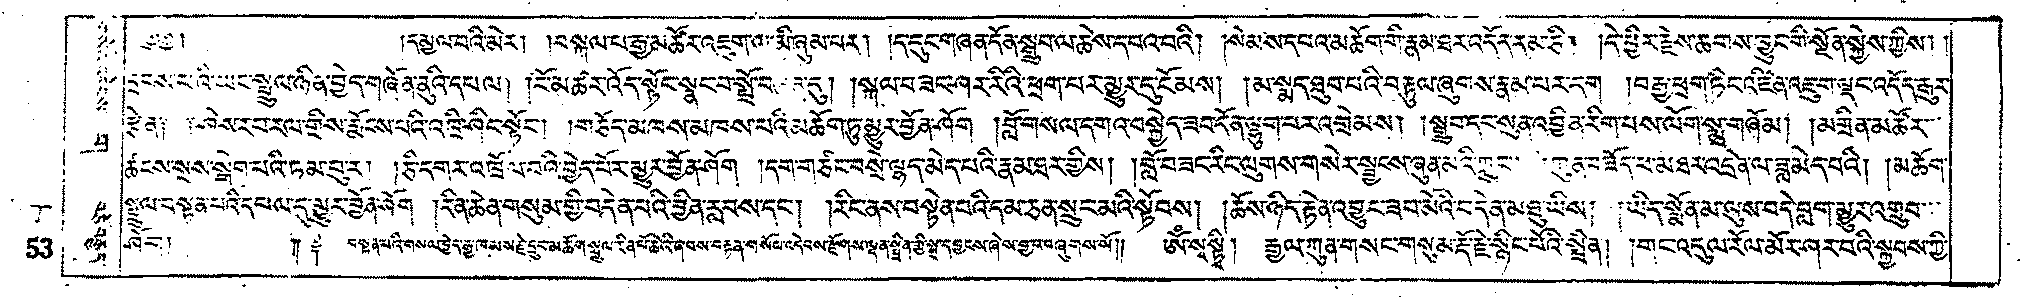༄༅། །དམྱལ་བའི་མེར། །བསྐལ་པ་རྒྱ་མཚོར་འཇུག་ལ་མི་ཞུམ་པར། །ད་དུང་གཞན་དོན་སྒྲུབ་ལ་ཆེས་དཔའ་བའི། །སེམས་དཔའ་མཆོག་གི་རྣམ་ཐར་འདོར་རམ་ཅི། །དེ་ཕྱིར་རྗེས་ཆགས་ཁྱུང་གི་སྔོན་སྐྱེས་ཀྱིས། །
དྲངས་པའི་ཡང་སྤྲུལ་ཉིན་བྱེད་གཞོན་ནུའི་དཔལ། །ངོ་མཚར་འོད་སྟོང་སྣང་བ་སྤྲོ་བཞིན་དུ། །སྐལ་བཟང་ཤར་རིའི་ཕྲག་པར་མྱུར་དུ་ངོམས། །མ་སྨད་ཐུབ་པའི་བརྟུལ་ཞུགས་རྣམ་པར་དག །བརྒྱ་ཕྲག་ཏིང་འཛིན་འཇུག་ལྡང་འདོད་རྒུར་
རྩེན༑ ༑ཤེས་རབ་རལ་གྲིས་རྨོངས་པའི་འཁྲི་ཤིང་སྟོང་། །གཅོད་མཁས་མཁས་པའི་མཆོག་ཏུ་མྱུར་བྱོན་ཤོག །བློ་གསལ་དགའ་བསྐྱེད་ཟབ་དོན་ལྷུག་པར་འགྲེམས། །སྒྲུབ་དང་སུན་འབྱིན་རིག་པས་ལོག་སྨྲ་གཞོམ། །མགྲིན་མཚོར་་་
ཚང་སྲས་སྒེག་པའི་ཏམ་བུར། །ཅི་དགར་འཁྲོལ་བའི་བྱེད་པོར་མྱུར་བྱོན་ཤོག །དག་གཙང་བསྲེག་ལྷད་མེད་པའི་རྣམ་ཐར་གྱིས། །བློ་བཟང་རིང་ལུགས་གསེར་སྦྱངས་ཞུན་མའི་ཀླུང་། །ཀུན་བཟོད་ཕ་མཐར་འདྲེན་ལ་ཟླ་མེད་པའི། །མཆོག་
ཚང་སྲས་སྒེགས་པའི་ཏམ་བུར། །ཅི་དགར་འཁྲོལ་བའི་བྱེད་པོར་མྱུར་བྱོན་ཤོག །དག་གཙང་བསྲེ་ལྷད་མེད་པའི་རྣམ་ཐར་གྱིས། །བློ་བཟང་རིངླུགས་གསེར་སྦྱངས་ཞུན་མའི་ཀླུང་། །ཀུན་བཟོད་ཕ་མཐར་འདྲེན་ལ་ཟླ་མེད་པའི། །མཆོག་
སྤྲུལ་བསྟན་པའི་དཔལ་དུ་མྱུར་བྱོན་ཤོག །རིན་ཆེན་གསུམ་གྱི་བདེན་པའི་བྱིན་རླབས་དང་། །རིང་ནས་བསྟེན་པའི་དམ་ཅན་སྲུང་མའི་སྟོབས། །ཆོས་ཉིད་རྟེན་འབྱུང་ཟབ་མོའི་བདེན་མཐུ་ཡིས། །ཡིད་སྨོན་མ་ལུས་བདེ་བླག་མྱུར་འགྲུབ་་་
ཤོག། །། འ་བསྟན་པའི་གསལ་བྱེད་རྒྱ་ཁམས་རྗེ་དྲུང་མཆོག་སྤྲུལ་རིན་པོ་ཆེའི་ཞབས་བརྟན་གསོལ་འདེབས་རྫོགས་ལྡན་སྤྲིན་གྱི་སྒྲ་དབྱངས་ཞེས་བྱ་བ་བཞུགས་སོ།།  ཨོཾ་སྭསྟྭི། རྒྱལ་ཀུན་གསང་གསུམ་རྡོ་རྗེ་སྙིང་པོའི་སྤྲིན། །གང་འདུལ་རོལ་མོར་ཤར་བའི་སྐྱབས་ཀྱི་